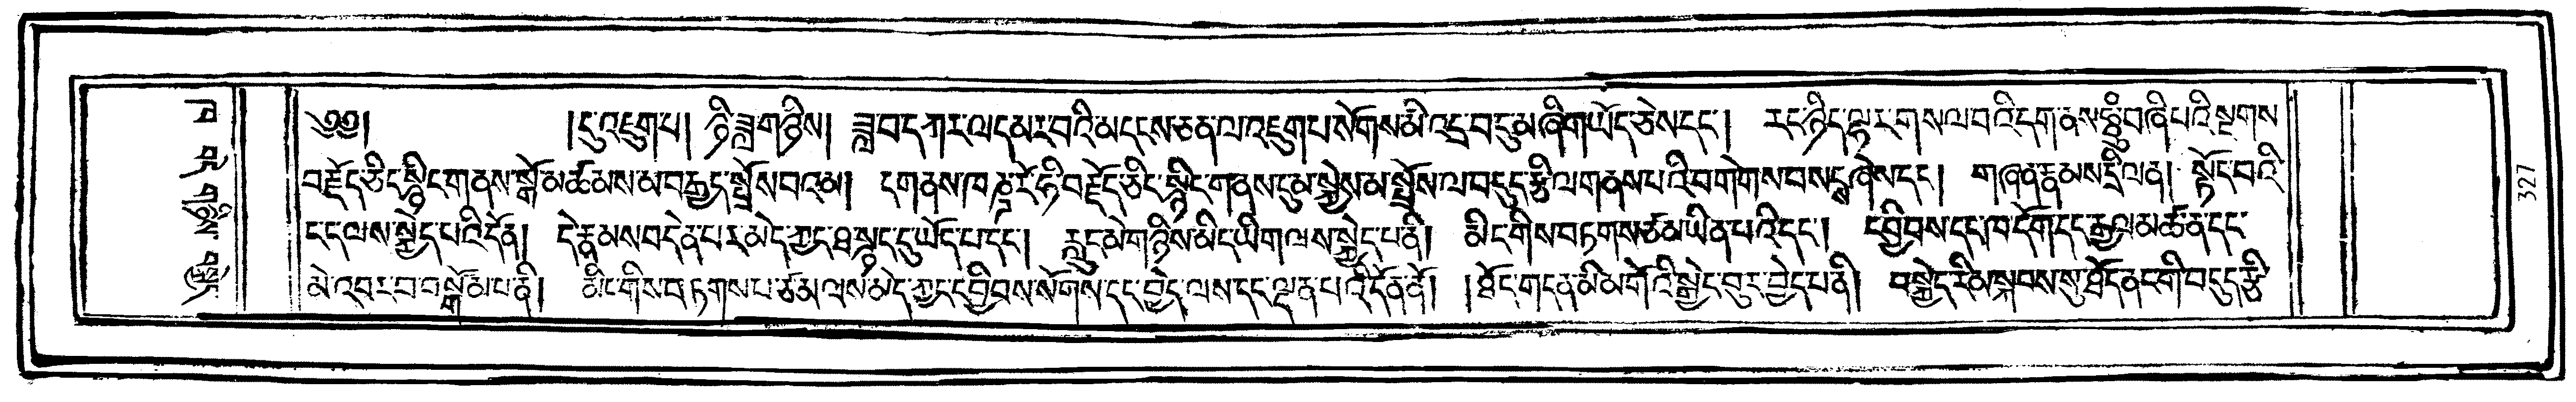༄༅། །དུ་འཇུག་པ། ཉི་ཟླ་གཉིས། ཟླ་བ་དཀར་ལ་དམར་བའི་མདངས་ཅན་ལ་འཇུག་པ་སོགས་མི་འདྲ་བ་དུ་མ་ཞིག་ཡོད་ཅེས་དང་། རང་ཉིད་ལྟར་གསལ་བའི་དག་ནས་ཧཱུཾ་བཞི་པའི་སྔགས་
བརྗོད་ཅིང་སྙིང་གནས་སྒོ་མཚམས་མ་བརྒྱད་སྤྲོས་བའམ། དག་ནས་ཁཎྜ་རོ་ཧི་བརྗོད་ཅིང་སྙིང་ག་ནས་དུམ་སྐྱེས་མ་སྤྲོས་ལ་བདུད་རྩི་ལ་གནས་པའི་བགེགས་བསངས་ཞེས་དང་། གཞན་རྣམས་དྲི་ལན། སྟོང་བའི་
ངང་ལས་སྐྱེད་པའི་དོན། དེ་རྣམས་བདེན་པར་མེད་ཀྱང་ཐ་སྙད་དུ་ཡོད་པ་དང་། རླུང་མེ་གཉིས་མིང་ཡིག་ལས་སྐྱེད་པ་ནི། མིང་གིས་བཏགས་ཙམ་ཡིན་པའི་དང་། དབྱིབས་དང་ཁ་དོག་དང་རྒྱལ་མཚན་དང་
མེ་འབར་བ་བསྒོམ་པ་ནི། མིང་གིས་བཏགས་པ་ཙམ་ལས་མེད་ཀྱང་དབྱིབས་སོགས་དང་བྱེད་ལས་དང་ལྡན་པའི་དོན་ནོ། །ཐོག་གདན་མི་མགོའི་སྒྱེད་བུར་བྱེད་པ་ནི། བསྐྱེ་རིམ་སྐབས་སུ་ཐོད་ནང་གི་བདུད་རྩི་